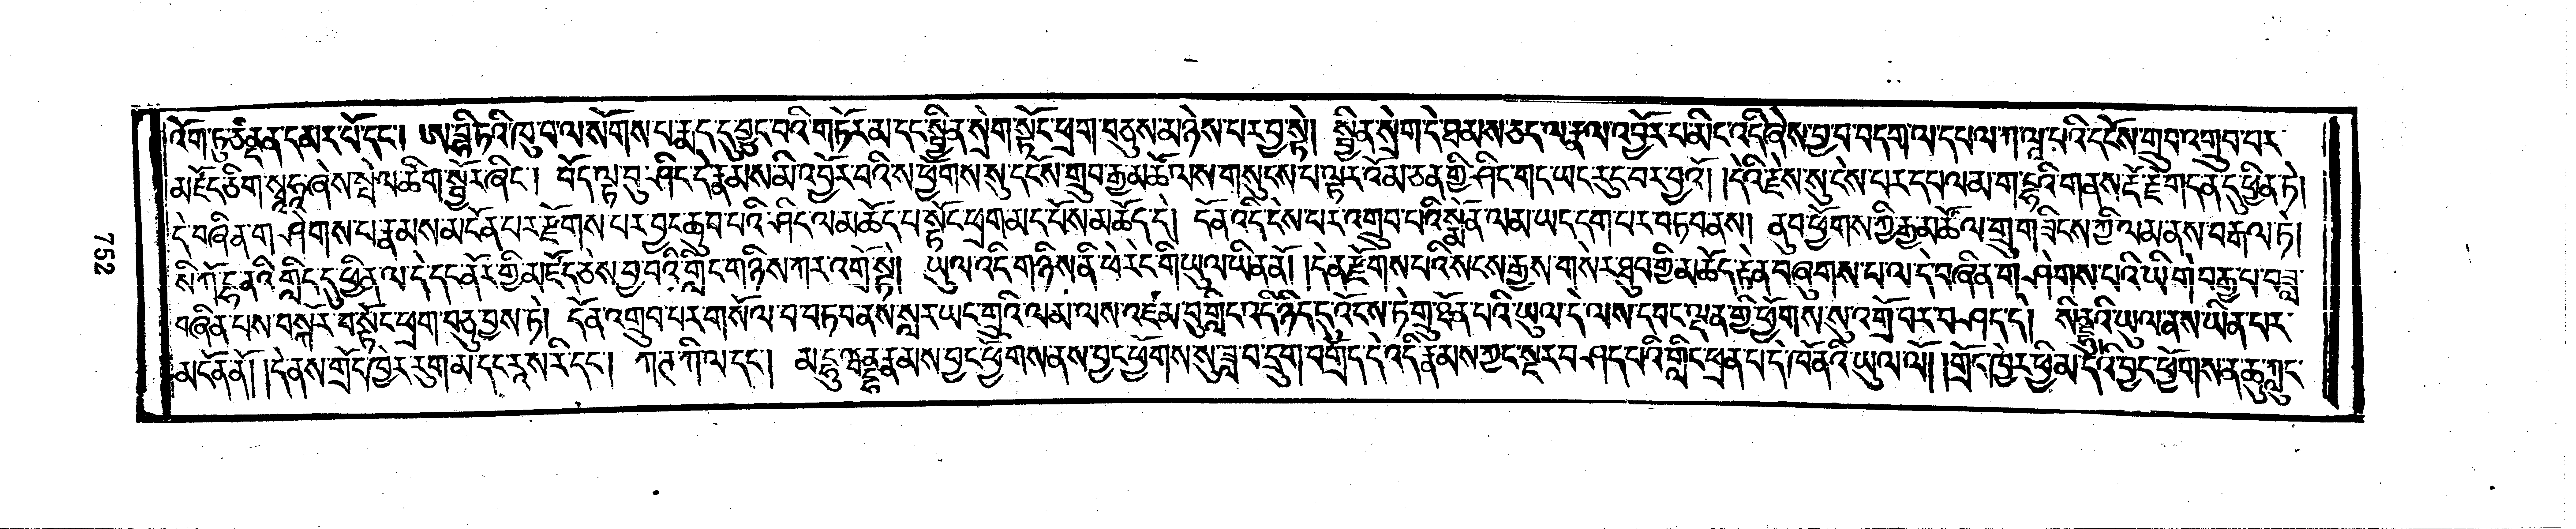འོག་ཏུ་ཙནྡན་དམར་པོ་དང་། ཨ་བྷི་ཏའི་ཁུ་བ་ལ་སོགས་པ་རྨད་དུ་བྱུང་བའི་གཏོར་མ་དང་སྦྱིན་སྲེག་སྟོང་ཕྲག་བཅུས་མཉེས་པར་བྱ་སྟེ། སྦྱིན་སྲེག་དེ་ཐམས་ཅད་ལ་རྣལ་འབྱོར་པ་མིང་འདི་ཞེས་བྱ་བ་བདག་ལ་དཔལ་ཀ་ལཱ་པའི་དངོས་གྲུབ་འགྲུབ་པར་
མཛོད་ཅིག་སྭཱ་ཧཱ་ཞེས་སྤེལ་ཚིག་སྦྱོར་ཞིང་། བོད་ལྟ་བུ་ཤིང་དེ་རྣམས་མི་འབྱོར་བའི་ས་ཕྱོགས་སུ་དངོས་གྲུབ་རྒྱ་མཚོ་ལས་གསུངས་པ་ལྟར་འོ་མ་ཅན་གྱི་ཤིང་གང་ཡང་རུང་བར་བྱའོ། །དེའི་རྗེས་སུ་ངེས་པར་དཔལ་མ་ག་དྷའི་གནས་རྡོ་རྗེ་གདན་དུ་ཕྱིན་ཏེ།
དེ་བཞིན་གཤེགས་པ་རྣམས་མངོན་རྫོགས་པར་བྱང་ཆུབ་པའི་ཤིང་ལ་མཆོད་པ་སྟོང་ཕྲག་མང་པོས་མཆོད་དེ། དོན་འདི་ངེས་པར་འགྲུབ་པའི་སྨོན་ལམ་ཡང་དག་པར་བཏབ་ནས། ནུབ་ཕྱོགས་ཀྱི་རྒྱ་མཚོ་ལ་གྲུ་གཟིངས་ཀྱི་ལམ་ནས་བརྒལ་ཏེ།
སི་ཀོ་དྷ་ནའི་གླིང་དུ་ཕྱིན་ལ་དེ་དང་ནོར་གྱི་མཛོད་ཅེས་བྱ་བའི་གླིང་གཉིས་ཀར་འགྲོ་སྟེ། ཡུལ་འདི་གཉིས་ནི་ཕེ་རེང་གི་ཡུལ་ཡིན་ནོ། །དེ་ན་རྫོགས་པའི་སངས་རྒྱས་གསེར་ཐུབ་གྱི་མཆོད་རྟེན་བཞུགས་པ་ལ་དེ་བཞིན་གཤེགས་པའི་ཡི་གེ་བརྒྱ་པ་བཟླ་
བཞིན་པས་བསྐོར་བ་སྟོང་ཕྲག་བཅུ་བྱས་ཏེ། དོན་འགྲུབ་པར་གསོལ་བ་བཏབ་ནས་སླར་ཡང་གྲུའི་ལམ་ལས་འཛམ་བུ་གླིང་འདི་ཉིད་དུ་འོངས་ཏེ་གྲུ་ཐོན་པའི་ཡུལ་དེ་ལས་དབང་ལྡན་གྱི་ཕྱོགས་སུ་འགྲོ་བར་བཤད་དེ། སིནྡྷའི་ཡུལ་ནས་ཡིན་པར་
མངོན་ནོ། །དེ་ནས་གྲོང་ཁྱེར་རུག་མ་དང་རཱ་ས་རི་དང་། ཀ་ཊ་ཀི་ལ་དང་། མ་དྷུ་ཝནྡྷ་རྣམས་བྱང་ཕྱོགས་ནས་བྱང་ཕྱོགས་སུ་ཟླ་བ་དྲུག་བགྲོད་དེ་འདི་རྣམས་ཀྱང་སྔར་བཤད་པའི་གླིང་ཕྲན་པ་དེ་ཁོ་ནའི་ཡུལ་ལོ། །གྲོང་ཁྱེར་ཕྱི་མ་དེའི་བྱང་ཕྱོགས་ན་ཆུ་ཀླུང་